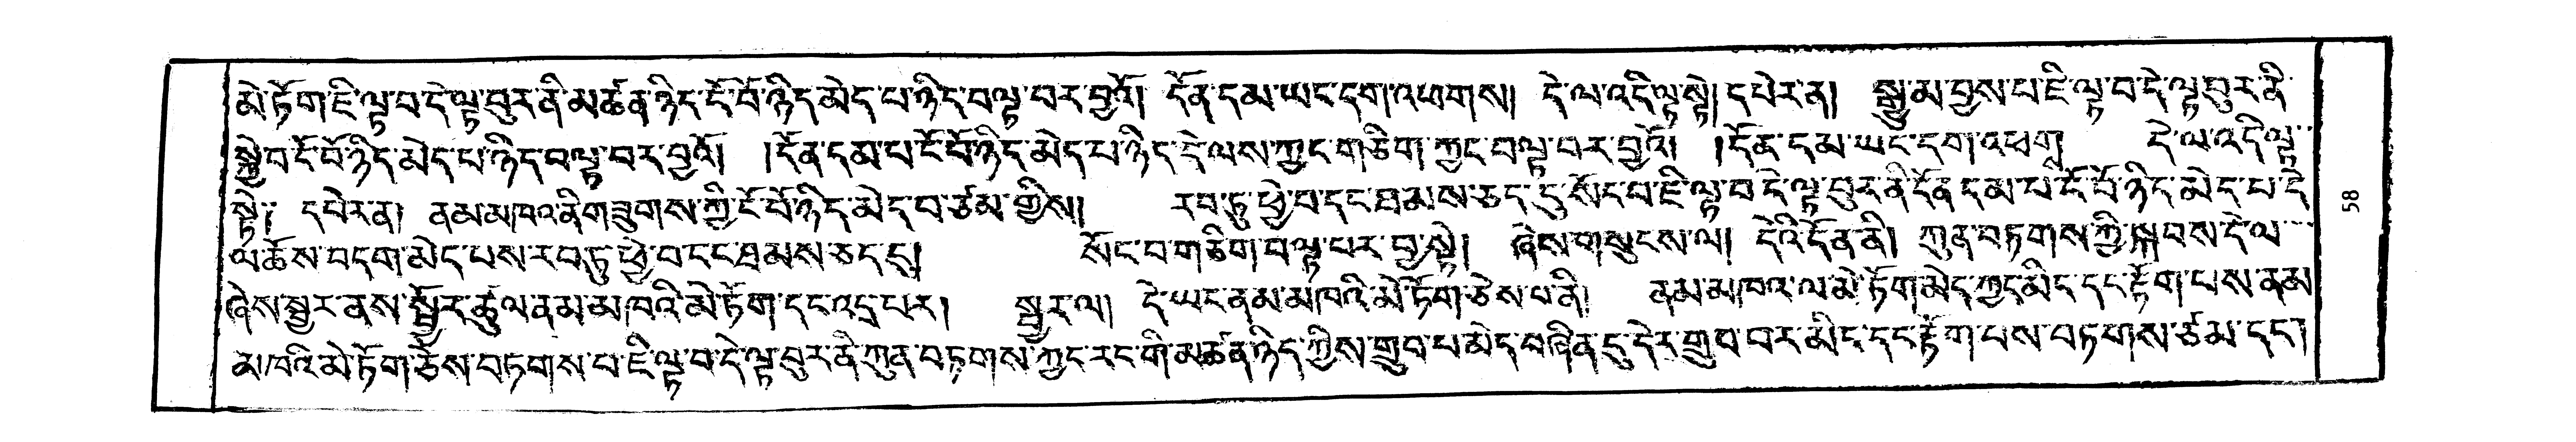མེ་ཏོག་ཇི་ལྟ་བ་དེ་ལྟ་བུར་ནི་མཚན་ཉིད་ངོ་བོ་ཉིད་མེད་པ་ཉིད་བལྟ་བར་བྱའོ། དོན་དམ་ཡང་དག་འཕགས། དེ་ལ་འདི་ལྟ་སྟེ། དཔེར་ན། སྒྱུ་མ་བྱས་པ་ཇི་ལྟ་བ་དེ་ལྟ་བུར་ནི་
སྐྱེ་བ་ངོ་བོ་ཉིད་མེད་པ་ཉིད་བལྟ་བར་བྱའོ། །དོན་དམ་པ་ངོ་བོ་ཉིད་མེད་པ་ཉིད་དེ་ལས་ཀྱང་གཅིག་ཀྱང་བལྟ་བར་བྱའོ། །དོན་དམ་ཡང་དག་འཕགས། དེ་ལ་འདི་ལྟ་
སྟེ། དཔེར་ན། ནམ་མཁའ་ནི་གཟུགས་ཀྱི་ངོ་བོ་ཉིད་མེད་པ་ཙམ་གྱིས། རབ་ཏུ་ཕྱེ་བ་དང་ཐམས་ཅད་དུ་སོང་བ་ཇི་ལྟ་བ་དེ་ལྟ་བུར་ནི་དོན་དམ་པ་ངོ་བོ་ཉིད་མེད་པ་དེ་
ལ་ཆོས་བདག་མེད་པས་རབ་ཏུ་ཕྱེ་བ་དང་ཐམས་ཅད་དུ། སོང་བ་གཅིག་བལྟ་པར་བྱ་སྟེ། ཞེས་གསུངས་ལ། དེའི་དོན་ནི། ཀུན་བཏགས་ཀྱི་སྐབས་དེ་ལ་
ཞེས་སྦྱར་ནས་སྦྱོར་ཚུལ་ནམ་མཁའི་མེ་ཏོག་དང་འདྲ་པར། སྦྱར་ལ། དེ་ཡང་ནམ་མཁའི་མེ་ཏོག་ཅེས་པ་ནི། ནམ་མཁའ་ལ་མེ་ཏོག་མེད་ཀྱང་མིང་དང་རྟོག་པས་ནམ་
མཁའི་མེ་ཏོག་ཅེས་བཏགས་པ་ཇི་ལྟ་བ་དེ་ལྟ་བུར་ནི་ཀུན་བཏགས་ཀྱང་རང་གི་མཚན་ཉིད་ཀྱིས་གྲུབ་པ་མེད་བཞིན་དུ་དེར་གྲུབ་པར་མིང་དང་རྟོག་པས་བཏགས་ཙམ་དང་།